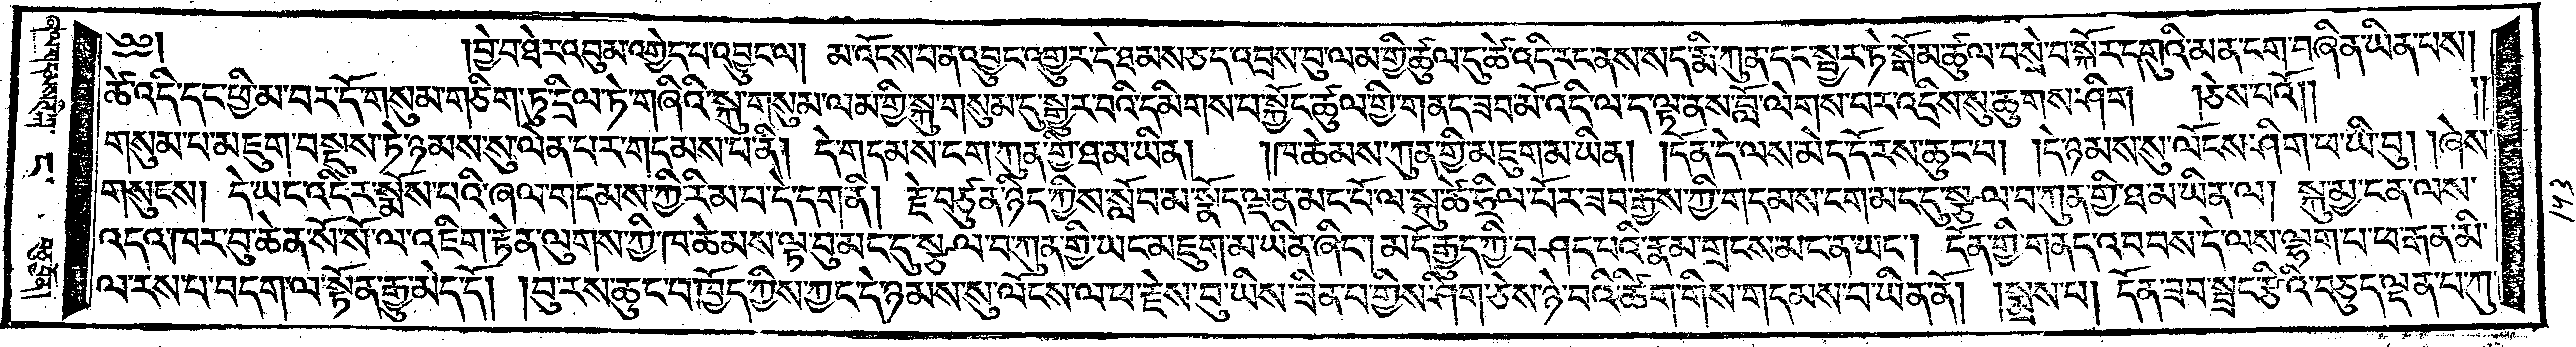༄༅། །བྱེ་བ་ཐེར་འབུམ་འགྱེད་པ་འབྱུང་ལ། མ་འོངས་པ་ན་འབྱུང་འགྱུར་དེ་ཐམས་ཅད་འབྲས་བུ་ལམ་གྱི་ཚུལ་དུ་ཚེ་འདི་རང་ནས་སད་རྨི་ཀུན་དང་སྦྱར་ཏེ་སྒོམ་ཚུལ་བསྲེ་བསྐོར་དགུའི་མན་ངག་བཞིན་ཡིན་པས།
ཚེ་འདི་དང་ཕྱི་མ་བར་དོ་གསུམ་གཅིག་ཏུ་དྲིལ་ཏེ་གཞིའི་སྐུ་གསུམ་ལམ་གྱི་སྐུ་གསུམ་དུ་སྒྱུར་བའི་དམིགས་པ་སྐྱོང་ཚུལ་གྱི་གནད་ཟབ་མོ་འདི་ལ་ད་ལྟ་ནས་བློ་ལེགས་པར་འདྲིས་སུ་ཆུགས་ཤིག །ཅེས་བའོ།། །།
གསུམ་པ་མཇུག་བསྡུས་ཏེ་ཉམས་སུ་ལེན་པར་གདམས་པ་ནི། དེ་གདམས་ངག་ཀུན་གྱི་ཐ་མ་ཡིན། །ཁ་ཆེམས་ཀུན་གྱི་མཇུག་མ་ཡིན། །དོན་དེ་ལས་མེད་དོ་རས་ཆུང་བ། །དེ་ཉམས་སུ་ལོངས་ཤིག་ཕ་ཡི་བུ། །ཞེས་
གསུངས། དེ་ཡང་འདིར་སྨོས་པའི་ཞལ་གདམས་ཀྱི་རིམ་པ་དེ་དག་ནི། རྗེ་བཙུན་ཉིད་ཀྱིས་སློབ་མ་སྣོད་ལྡན་མང་པོ་ལ་སྐུ་ཚེ་ཧྲིལ་པོར་ཟབ་རྒྱས་ཀྱི་གདམས་ངག་མང་དུ་སྩལ་བ་ཀུན་གྱི་ཐ་མ་ཡིན་ལ། སྐུ་མྱ་ངན་ལས་
འདའ་ཁར་བུ་ཆེན་སོ་སོ་ལ་འཇིག་རྟེན་ལུགས་ཀྱི་ཁ་ཆེམས་ལྟ་བུ་མང་དུ་སྩལ་བ་ཀུན་གྱི་ཡང་མཇུག་མ་ཡིན་ཞིང་། མདོ་རྒྱུད་ཀྱི་བཤད་པའི་རྣམ་གྲངས་མང་ན་ཡང་། དོན་གྱི་གནད་འབབས་དེ་ལས་ལྷག་པ་ཕ་རྒན་མི་
ལ་རས་པ་བདག་ལ་སྟོན་རྒྱུ་མེད་དོ། །བུ་རས་ཆུང་བ་ཁྱོད་ཀྱིས་ཀྱང་དེ་ཉམས་སུ་ལོངས་ལ་ཕ་རྗེས་བུ་ཡིས་ཟིན་པ་གྱིས་ཤིག་ཅེས་ཉེ་བའི་ཚིག་གིས་གདམས་པ་ཡིན་ནོ། །སྨྲས་པ། དོན་ཟབ་སྦྲང་རྩིའི་བཅུད་ལྡན་པ་ཀུ་